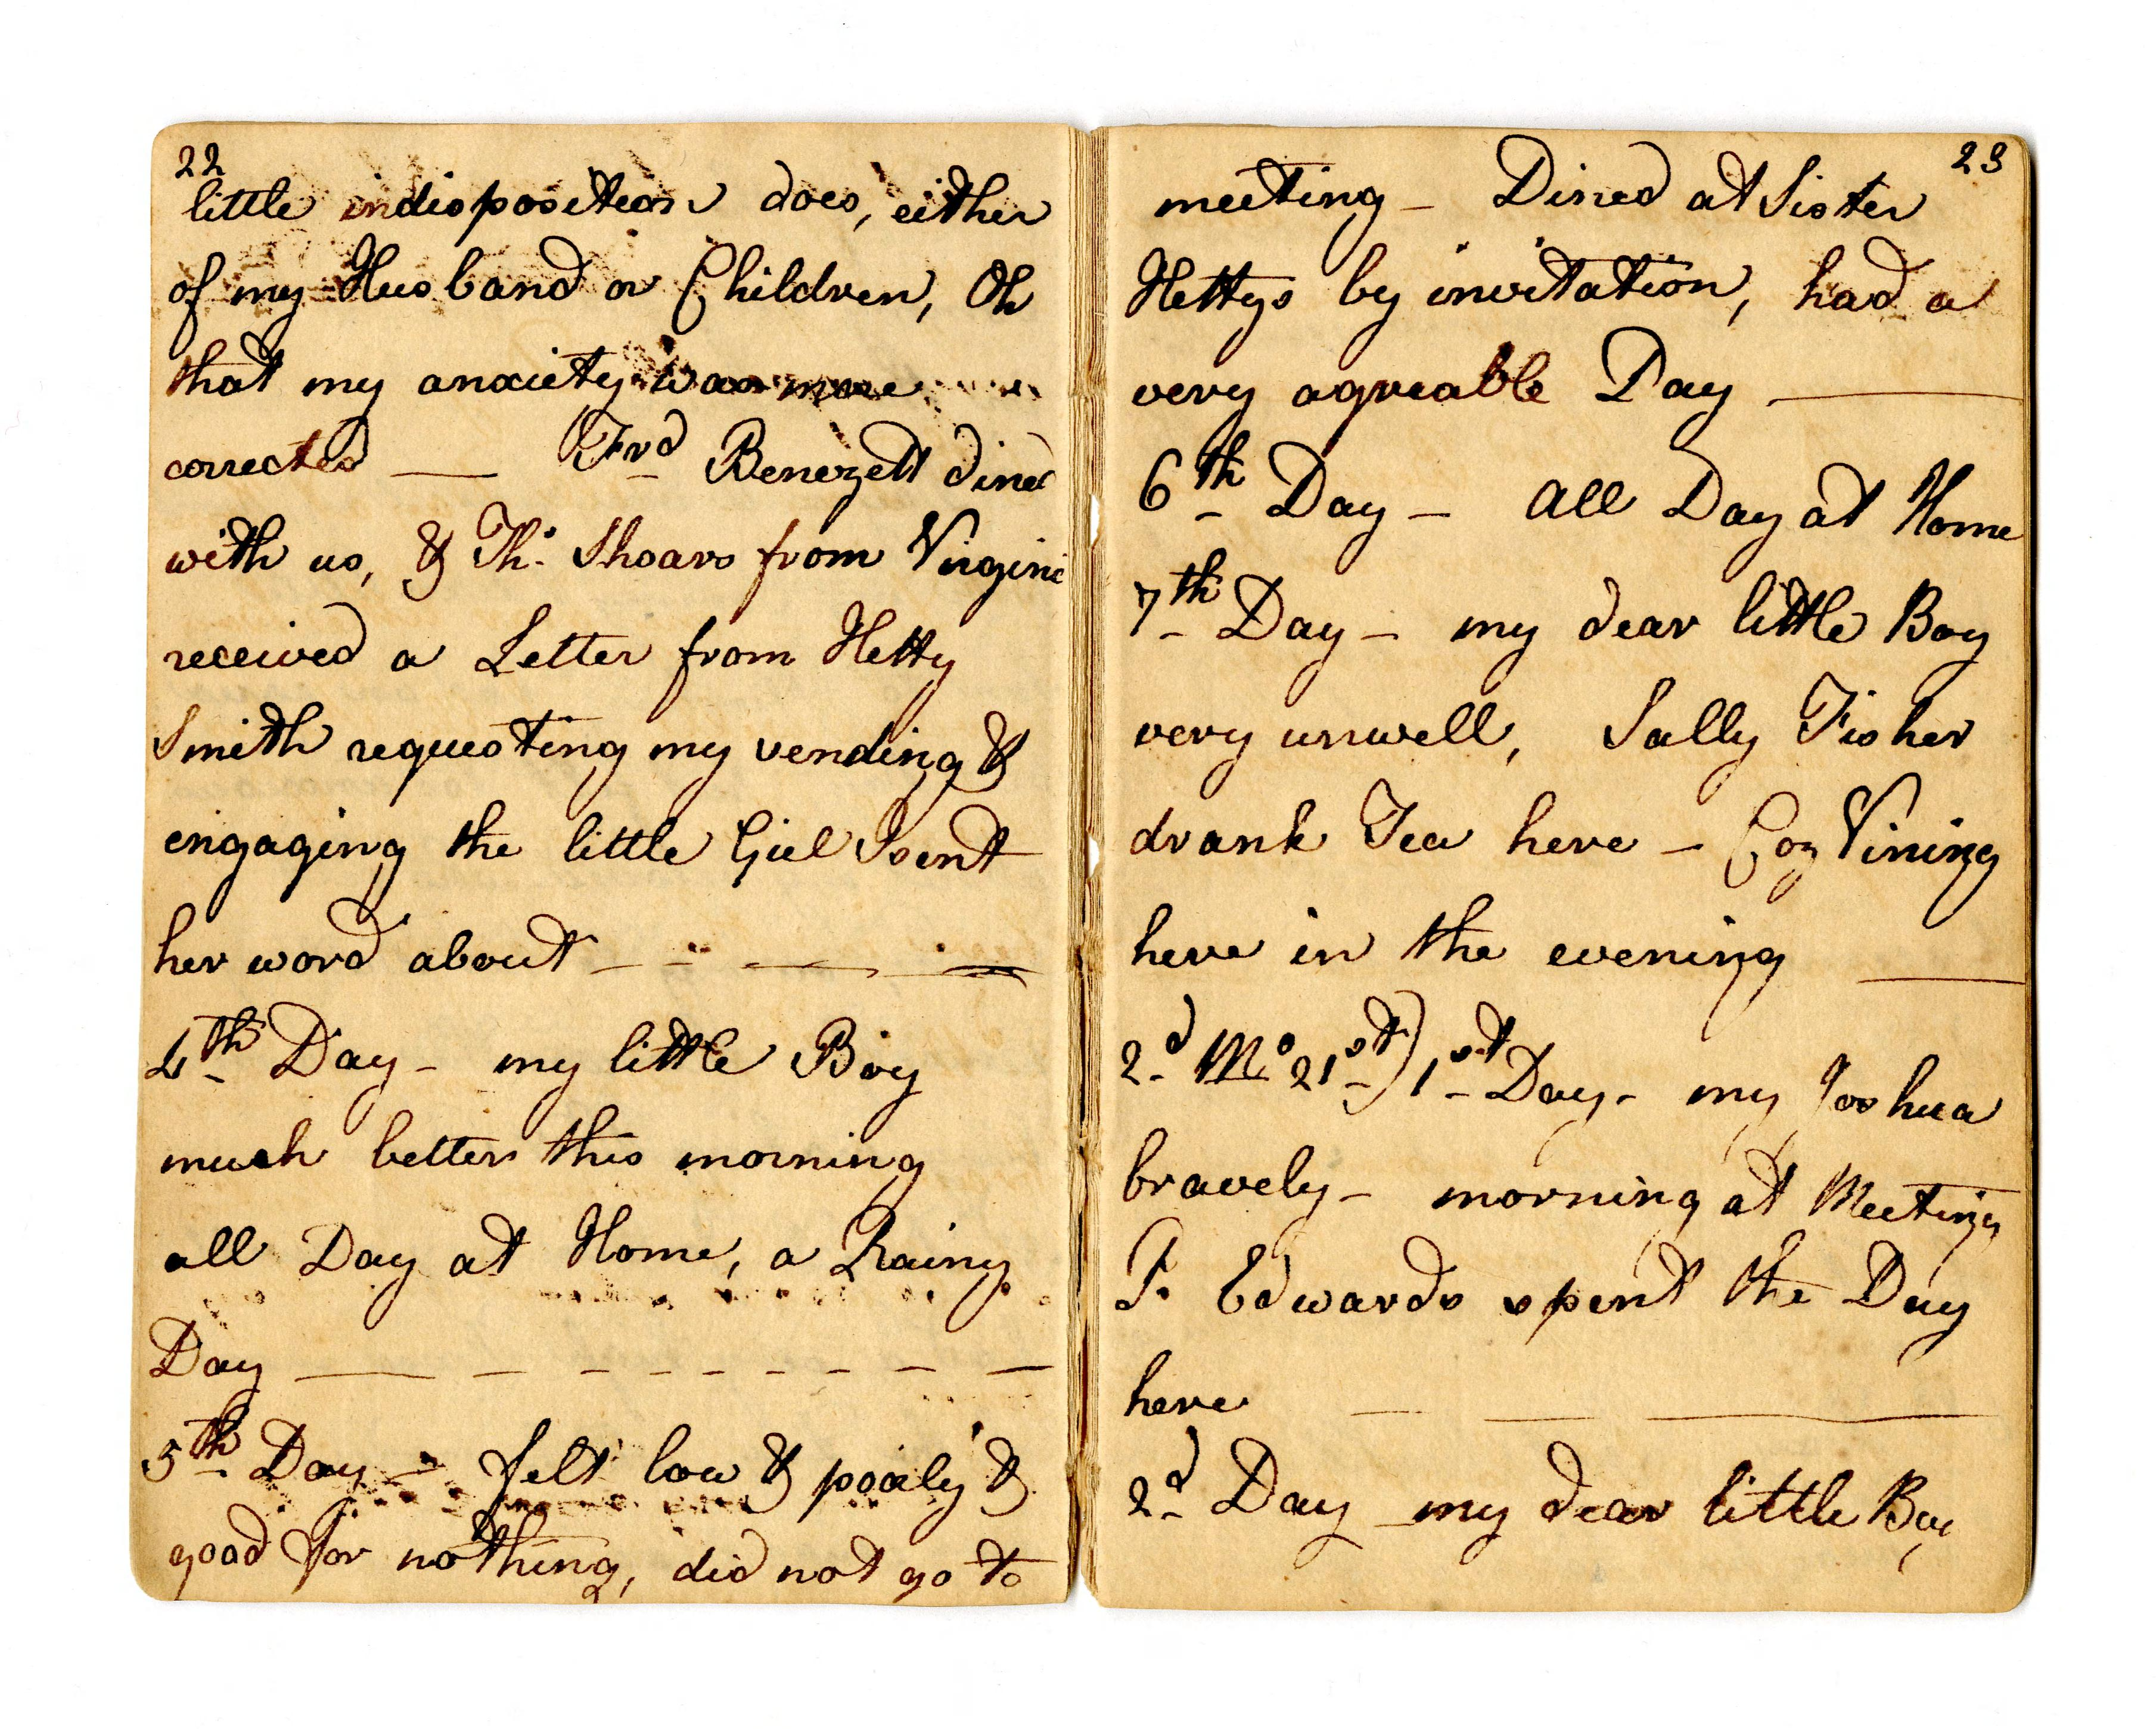22
little indispositions does, either
of my Husband or Children, Oh
that my anxiety was more
corrected- F^rd Benezett dined
with us, & Th^s Shoars from Virgini
received a Letter from Hetty
Smith requesting my vending &
engaging the little Girl I sent
her word about
4^th Day- my little Boy
much better this morning
all Day at Home, a Rainy
Day-
5^th Day- felt low & poorly &
good for nothing, did not go to
23
meeting- Dined at Sister
Hettys by invitation, had a
very agreable Day
6^th Day- all Day at Home
7^th Day- my dear little Boy
very unwell, Sally Fisher
drank Tea here- Coz Vining
here in the evening
2^d M^o 21^st) 1^st Day- my Joshua
bravely- morning at Meeting
P. Edwards spent the Day
here
2^d Day- my dear little Boy